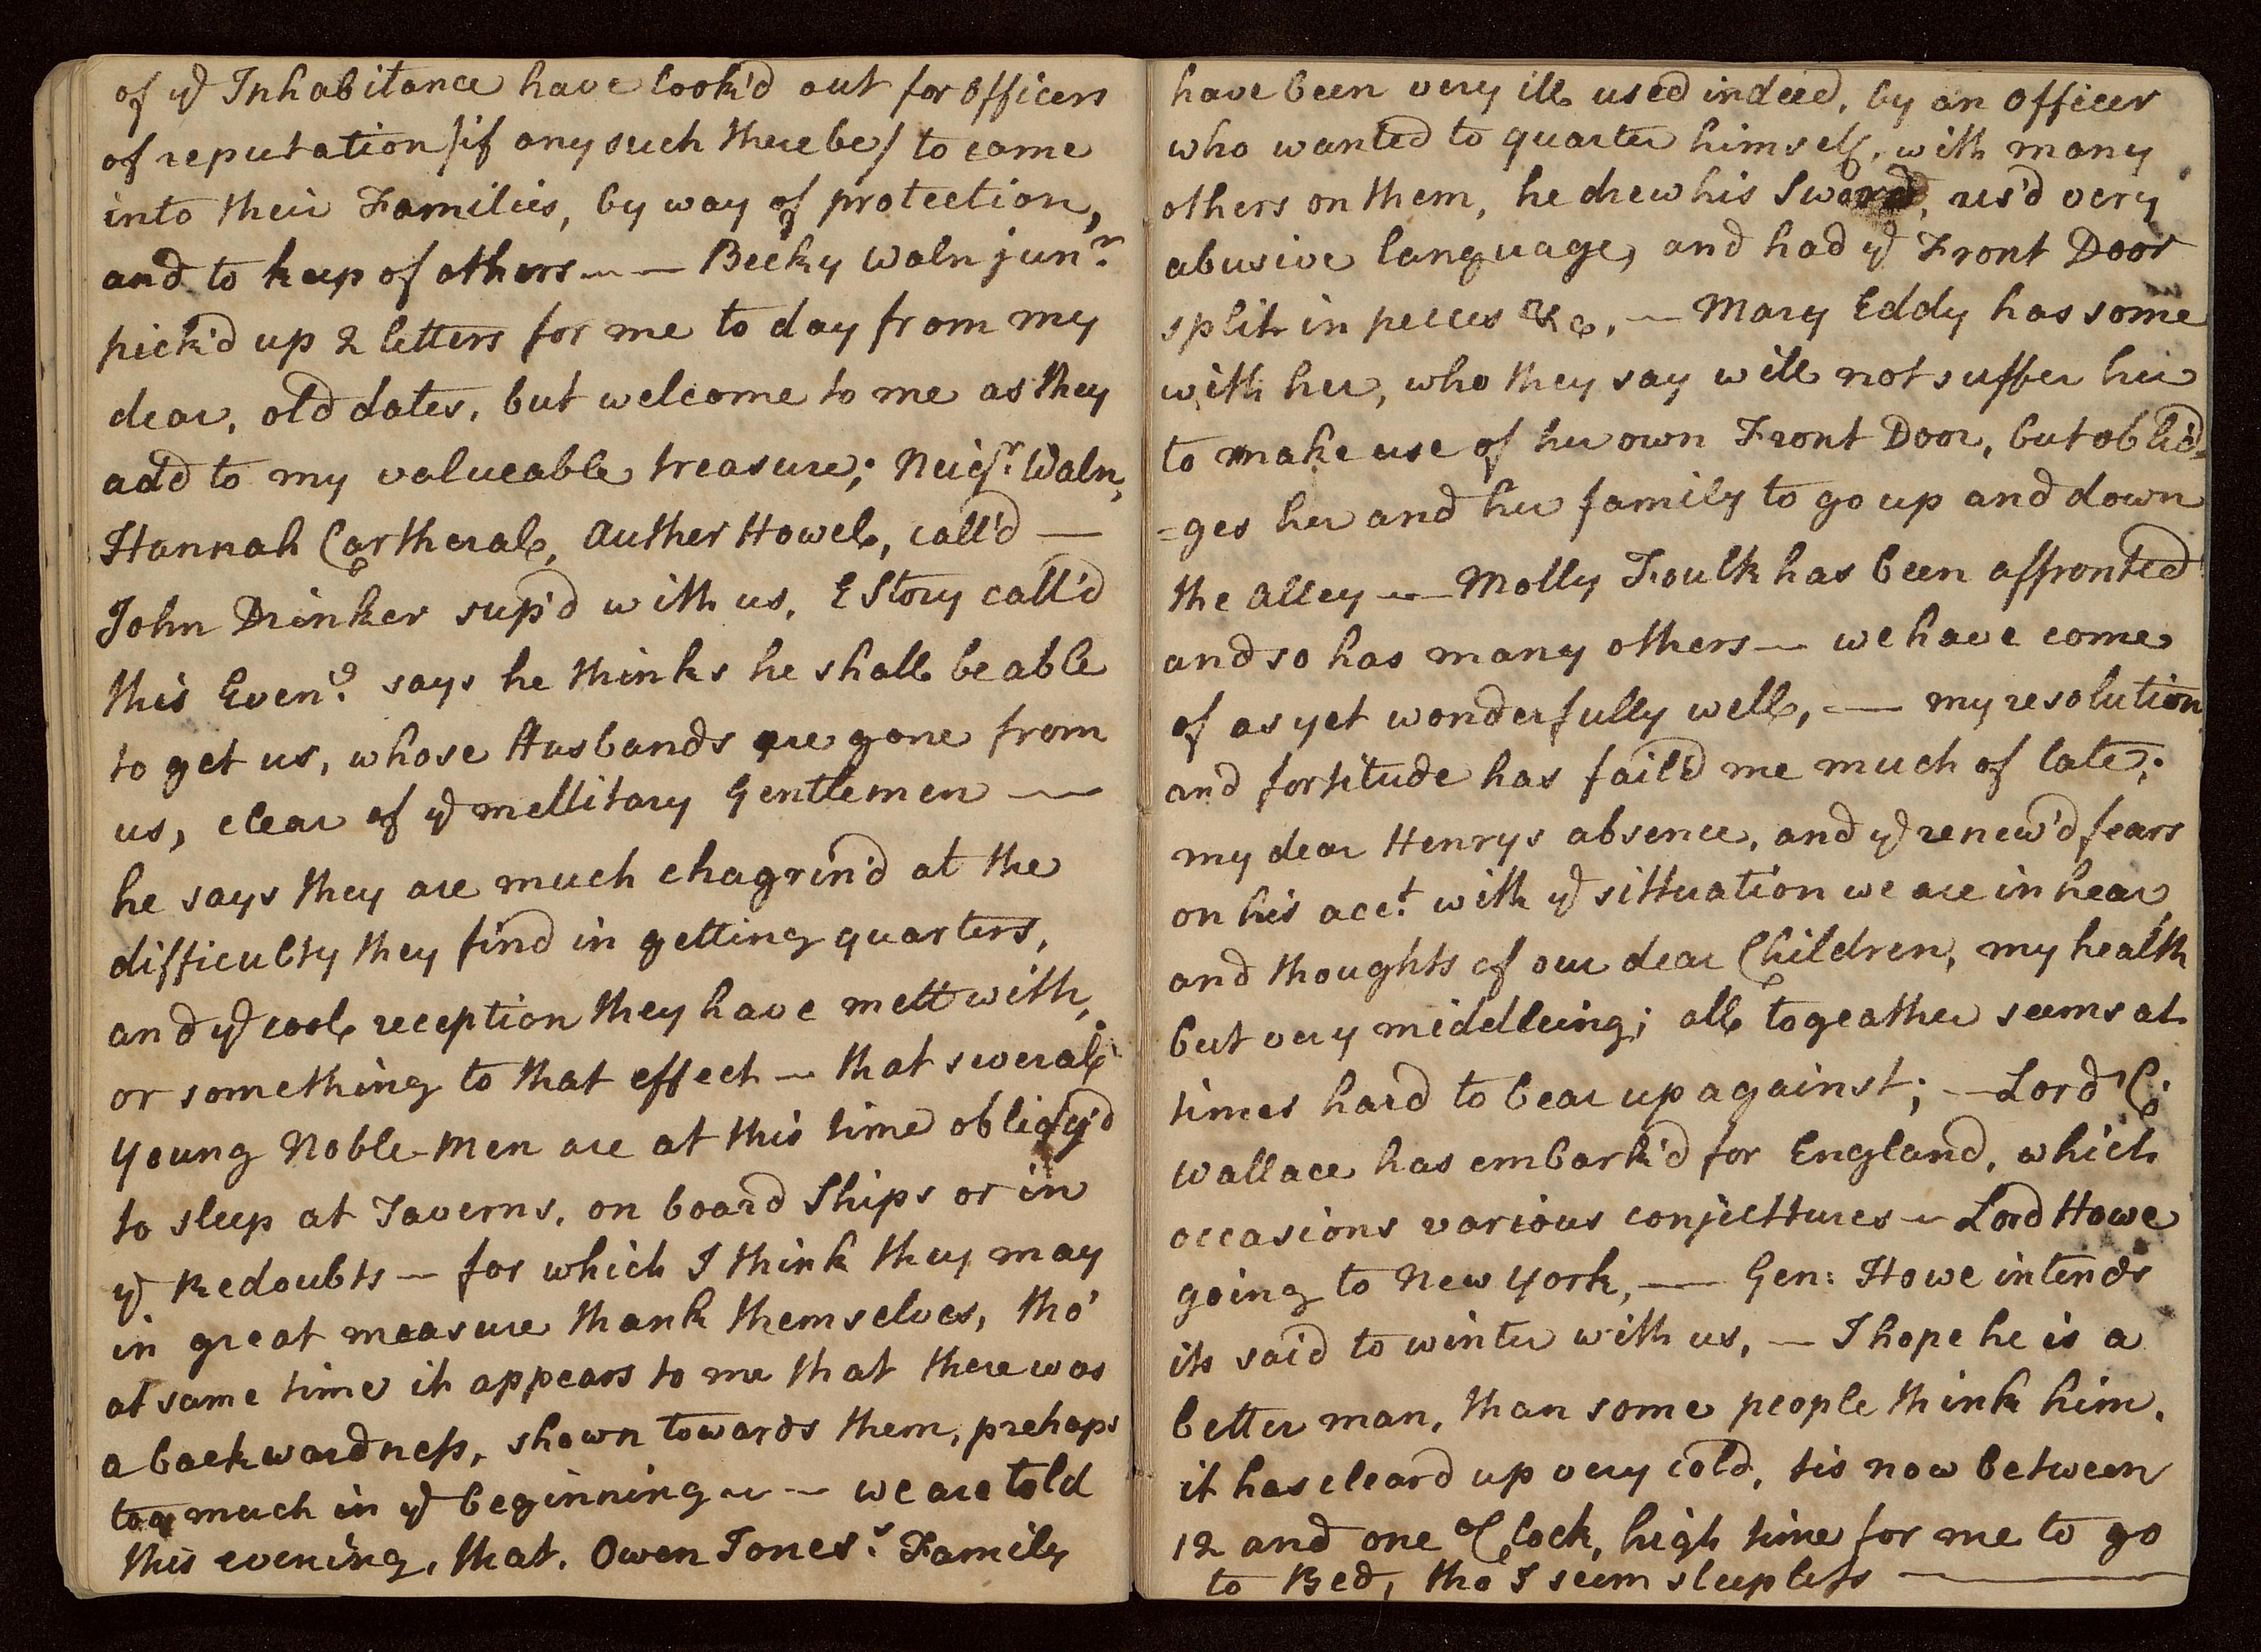of y^e Inhabitance have look'd out for Officers
of reputation /if any such there be/ to come
into their Families, by way of protection.
and to keep of others-- Becky Waln jun^r.
pick'd up 2 letters for me to day from my
dear, old dates, but welcome to me as they
add to my valueable treasure; Neig^r. Waln,
Hannah Cartheral, Auther Howel, call'd-
John Drinker sup'd with us, E story call'd
this Even^g. says he thinks he shall be able
to get us, whose Husbands are gone from
us, clear of y^e mellitary Gentlemen-
he says they are much chagrin'd at the
difficulty they find in getting quarters,
and y^e cool reception they have mett with,
or something to that effect- that several
Young Noble men are at this time oblidg'd
to sleep at Taverns, on board Ships or in
y^e Redoubts- for which I think they may
in great measure thank themselves, tho'
at same times it appears to me that there was
a backwardness, shown towards them, prehaps
too much in y^e beginning as- we are told
this evening, that. Owen Jones^s. Family
have been very ill used indeed, by an officer
who wanted to quarter himself, with many
others on them, he drew his Sword, res'd very
abusive language, and had y^e Front Door
split in peeces &c.- Mary Eddy has some
with her, who they say will not suffer his
to make use of her own Front door, but oblid-
-ges her and her family to go up and down
the Alley- Molly Foulk has been affronted
and so has many others- we have come
of as yet wonderfully well,- my resolution
and fortitude has fail'd me much of late;
my dear Henrys absence, and y^e renew'd fears
on his acc^t. with y^e sittuation we are in hear
and thoughts of our dear Children, my health
but very midelleing; all togeather seems at
times hard to bear up against;- Lord C.
Wallace has embark'd for England, which
occasions various conjecttures- Lord Howe
going to New York- Gen: Howe intends
its said to winter with us,- I hope he is a
better man, than some people think him.
it has cleard up very cold, tis now between
12 and one ^oClock, high time for me to go
to Bed, tho I seem sleepless